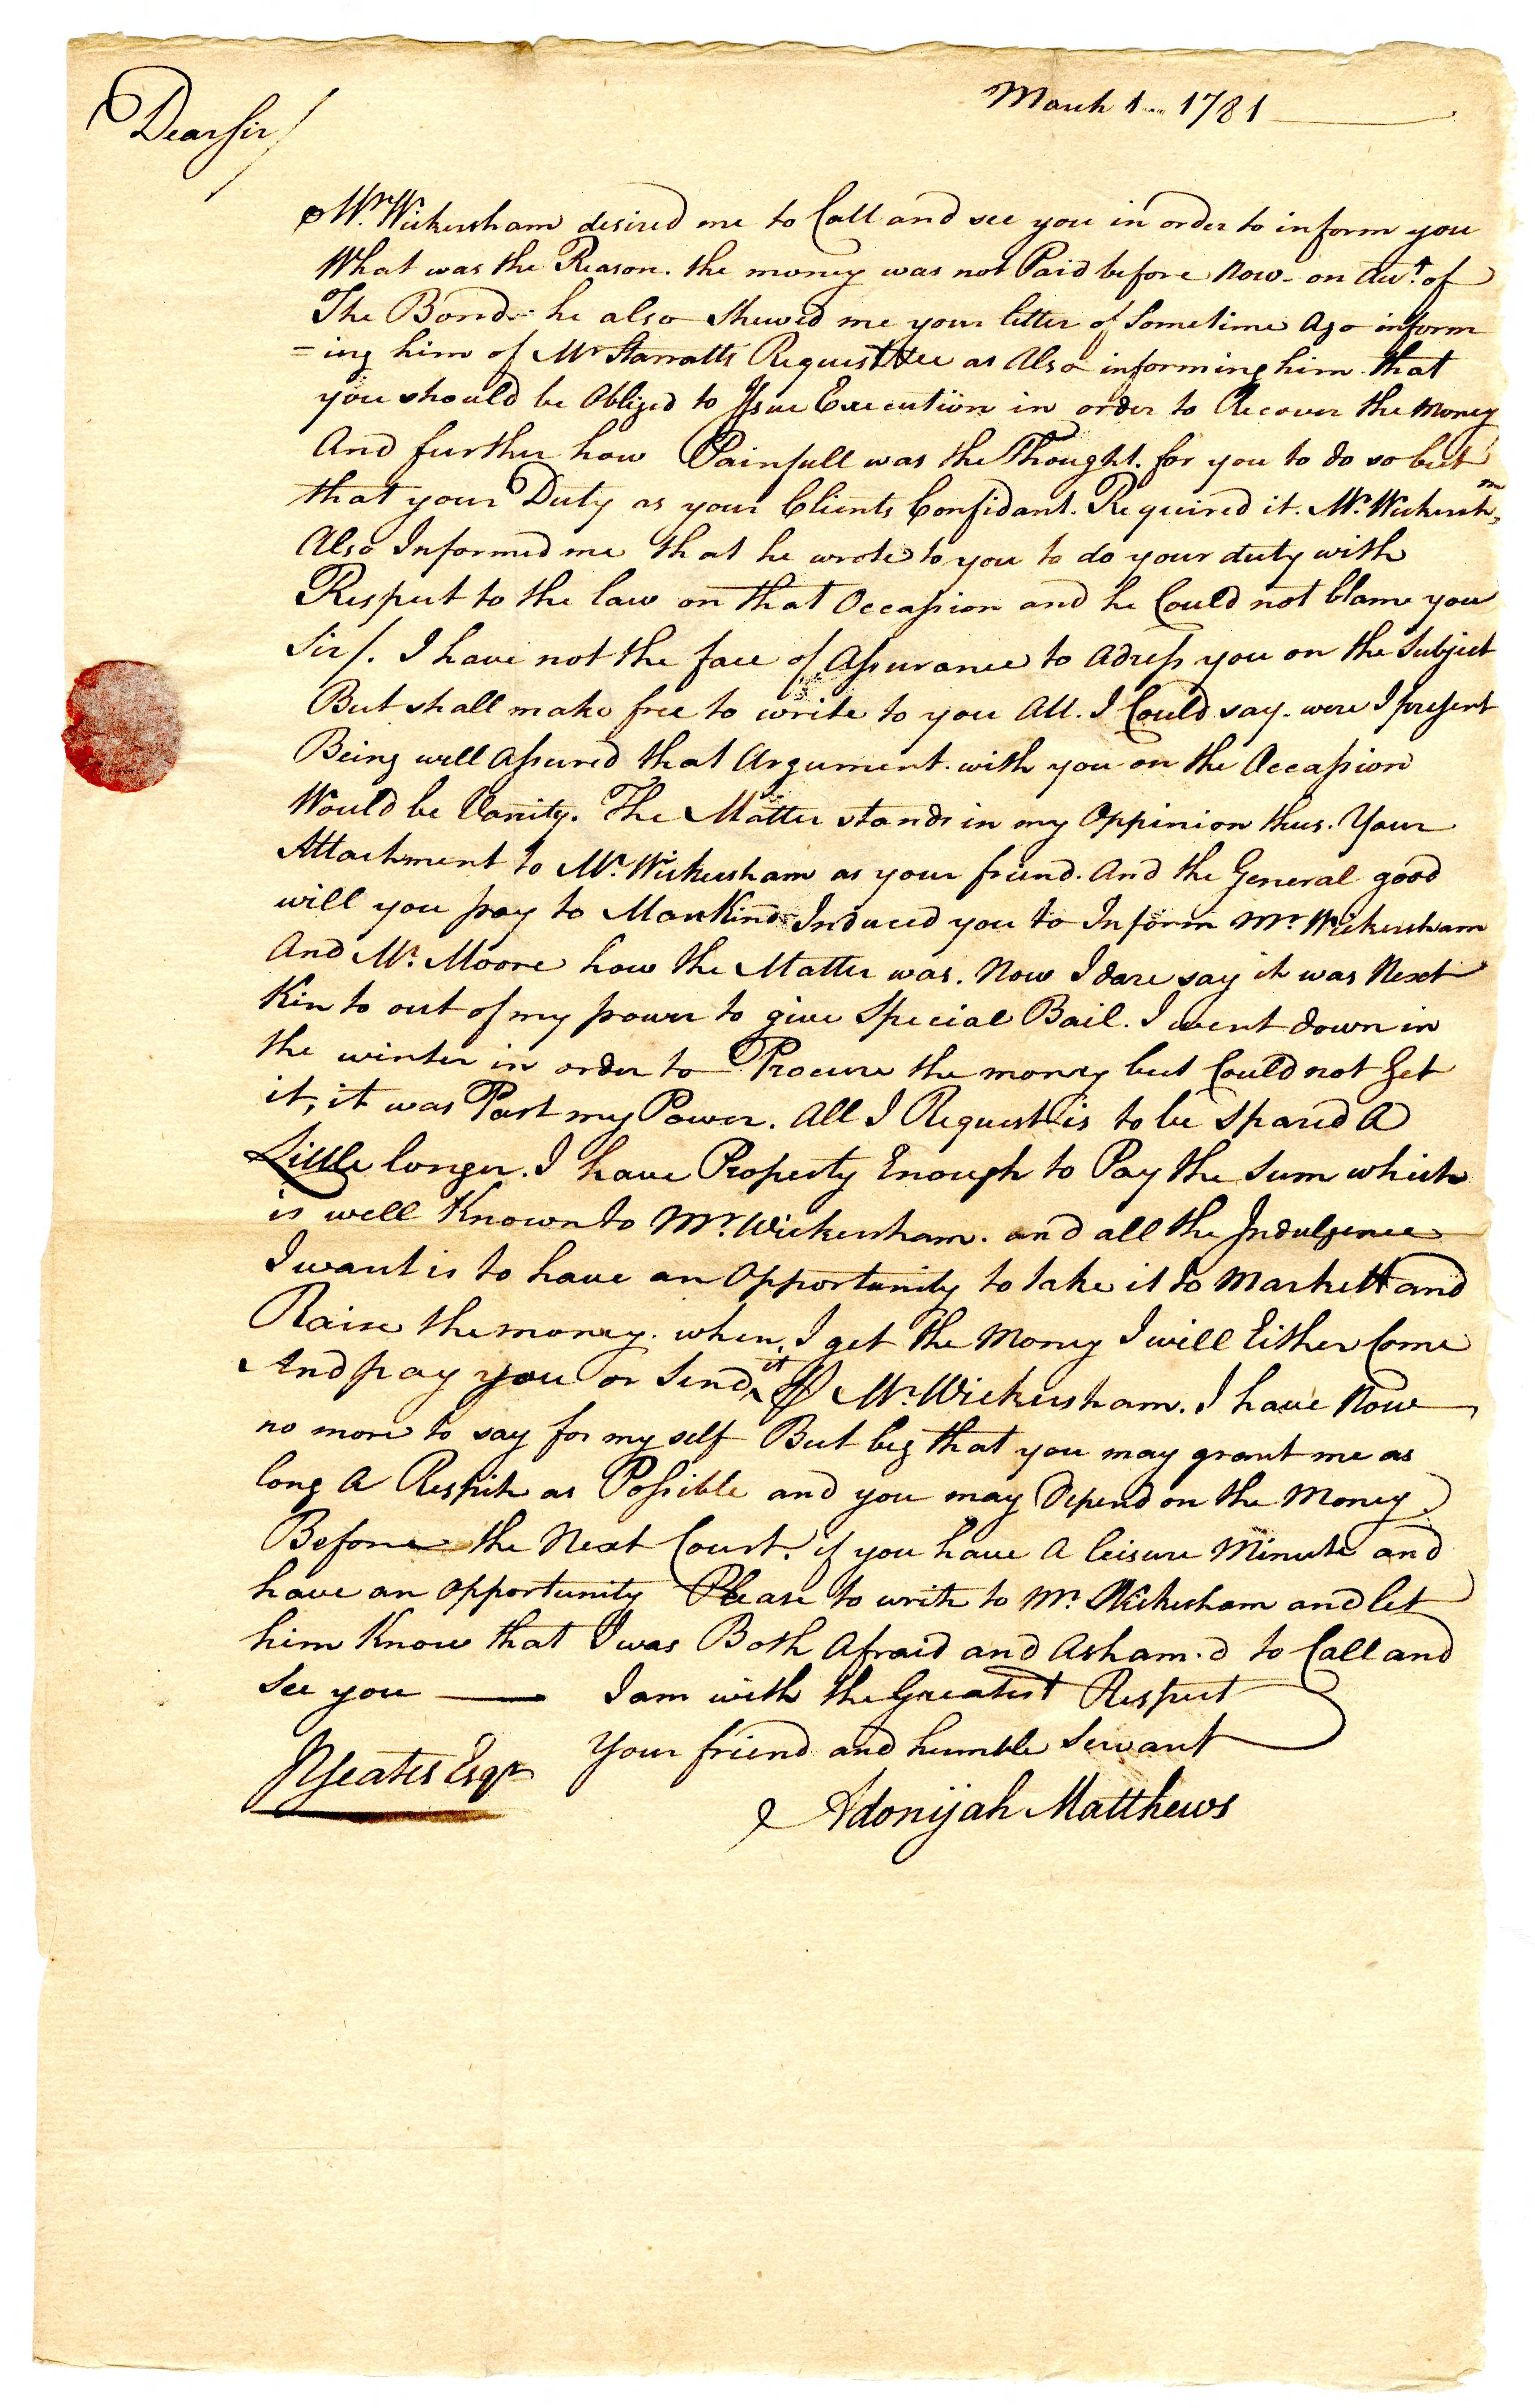March 1. 1781
Dear Sir
M^r. Wickersham desired one to Call and see you in order to inform you
What was the Reason. the money was not Paid before Now on Acc^t. of
The Bonds he also shewed me your letter of Sometime ago inform-
-ing him of M^r. Starralls Requestee as Also informing him that
you should be Obliged to Issue Execution in order to Recover the Money,
and further how Painfull was the Thought for you to do so but
that your Duty as your Clients Confidant. Required it M^r. Wickersh^am
Also Informed me that he wrote to you to do your duty with
Respect to the law on that occasion and he Could not blame you
Sir. I have not the face of Assurance to adress you on the Subject
But shall make free to write to you All. I Could say were I present
Being well assured that Argument with you on the Occassion
Would be Vanity. The Matter stands in my Oppinion thus Your
Attachment to M^r. Wickersham as your friend. And the General good
will you pay to Mankind Induced you to Inform M^r. Wickersham
And M^r. Moore how the Matter was. Now I dare say it was Next
kin to out of my power to give Special Bail. I went down in
the winter in order to Procure the money but Could not Get
it, it was Part my Power. All I Request is to be spared A
little longer. I have Property Enough to Pay the sum which
is well Known to M^r. Wickersham. and all the Indulgence
I want is to have an Opportunity to take it to Markett and
Raise the money when, I get the money I will Either Come
it
And pay you or Send ^ per M^r. Wickersham. I have Now
no more to say for my self But beg that you may grant me as
long a Respite as Possible and you may depend on the Money
Before The Next Court if you have a leisure Minute and
have an opportunity Please to write to M^r. Wickersham and let
him Know that I was Both Afraid and Ashamed to Call and
see you. I am with the Greatest Respect
Your friend and humble servarnt
Adonijah Matthews
J Yeates Esq